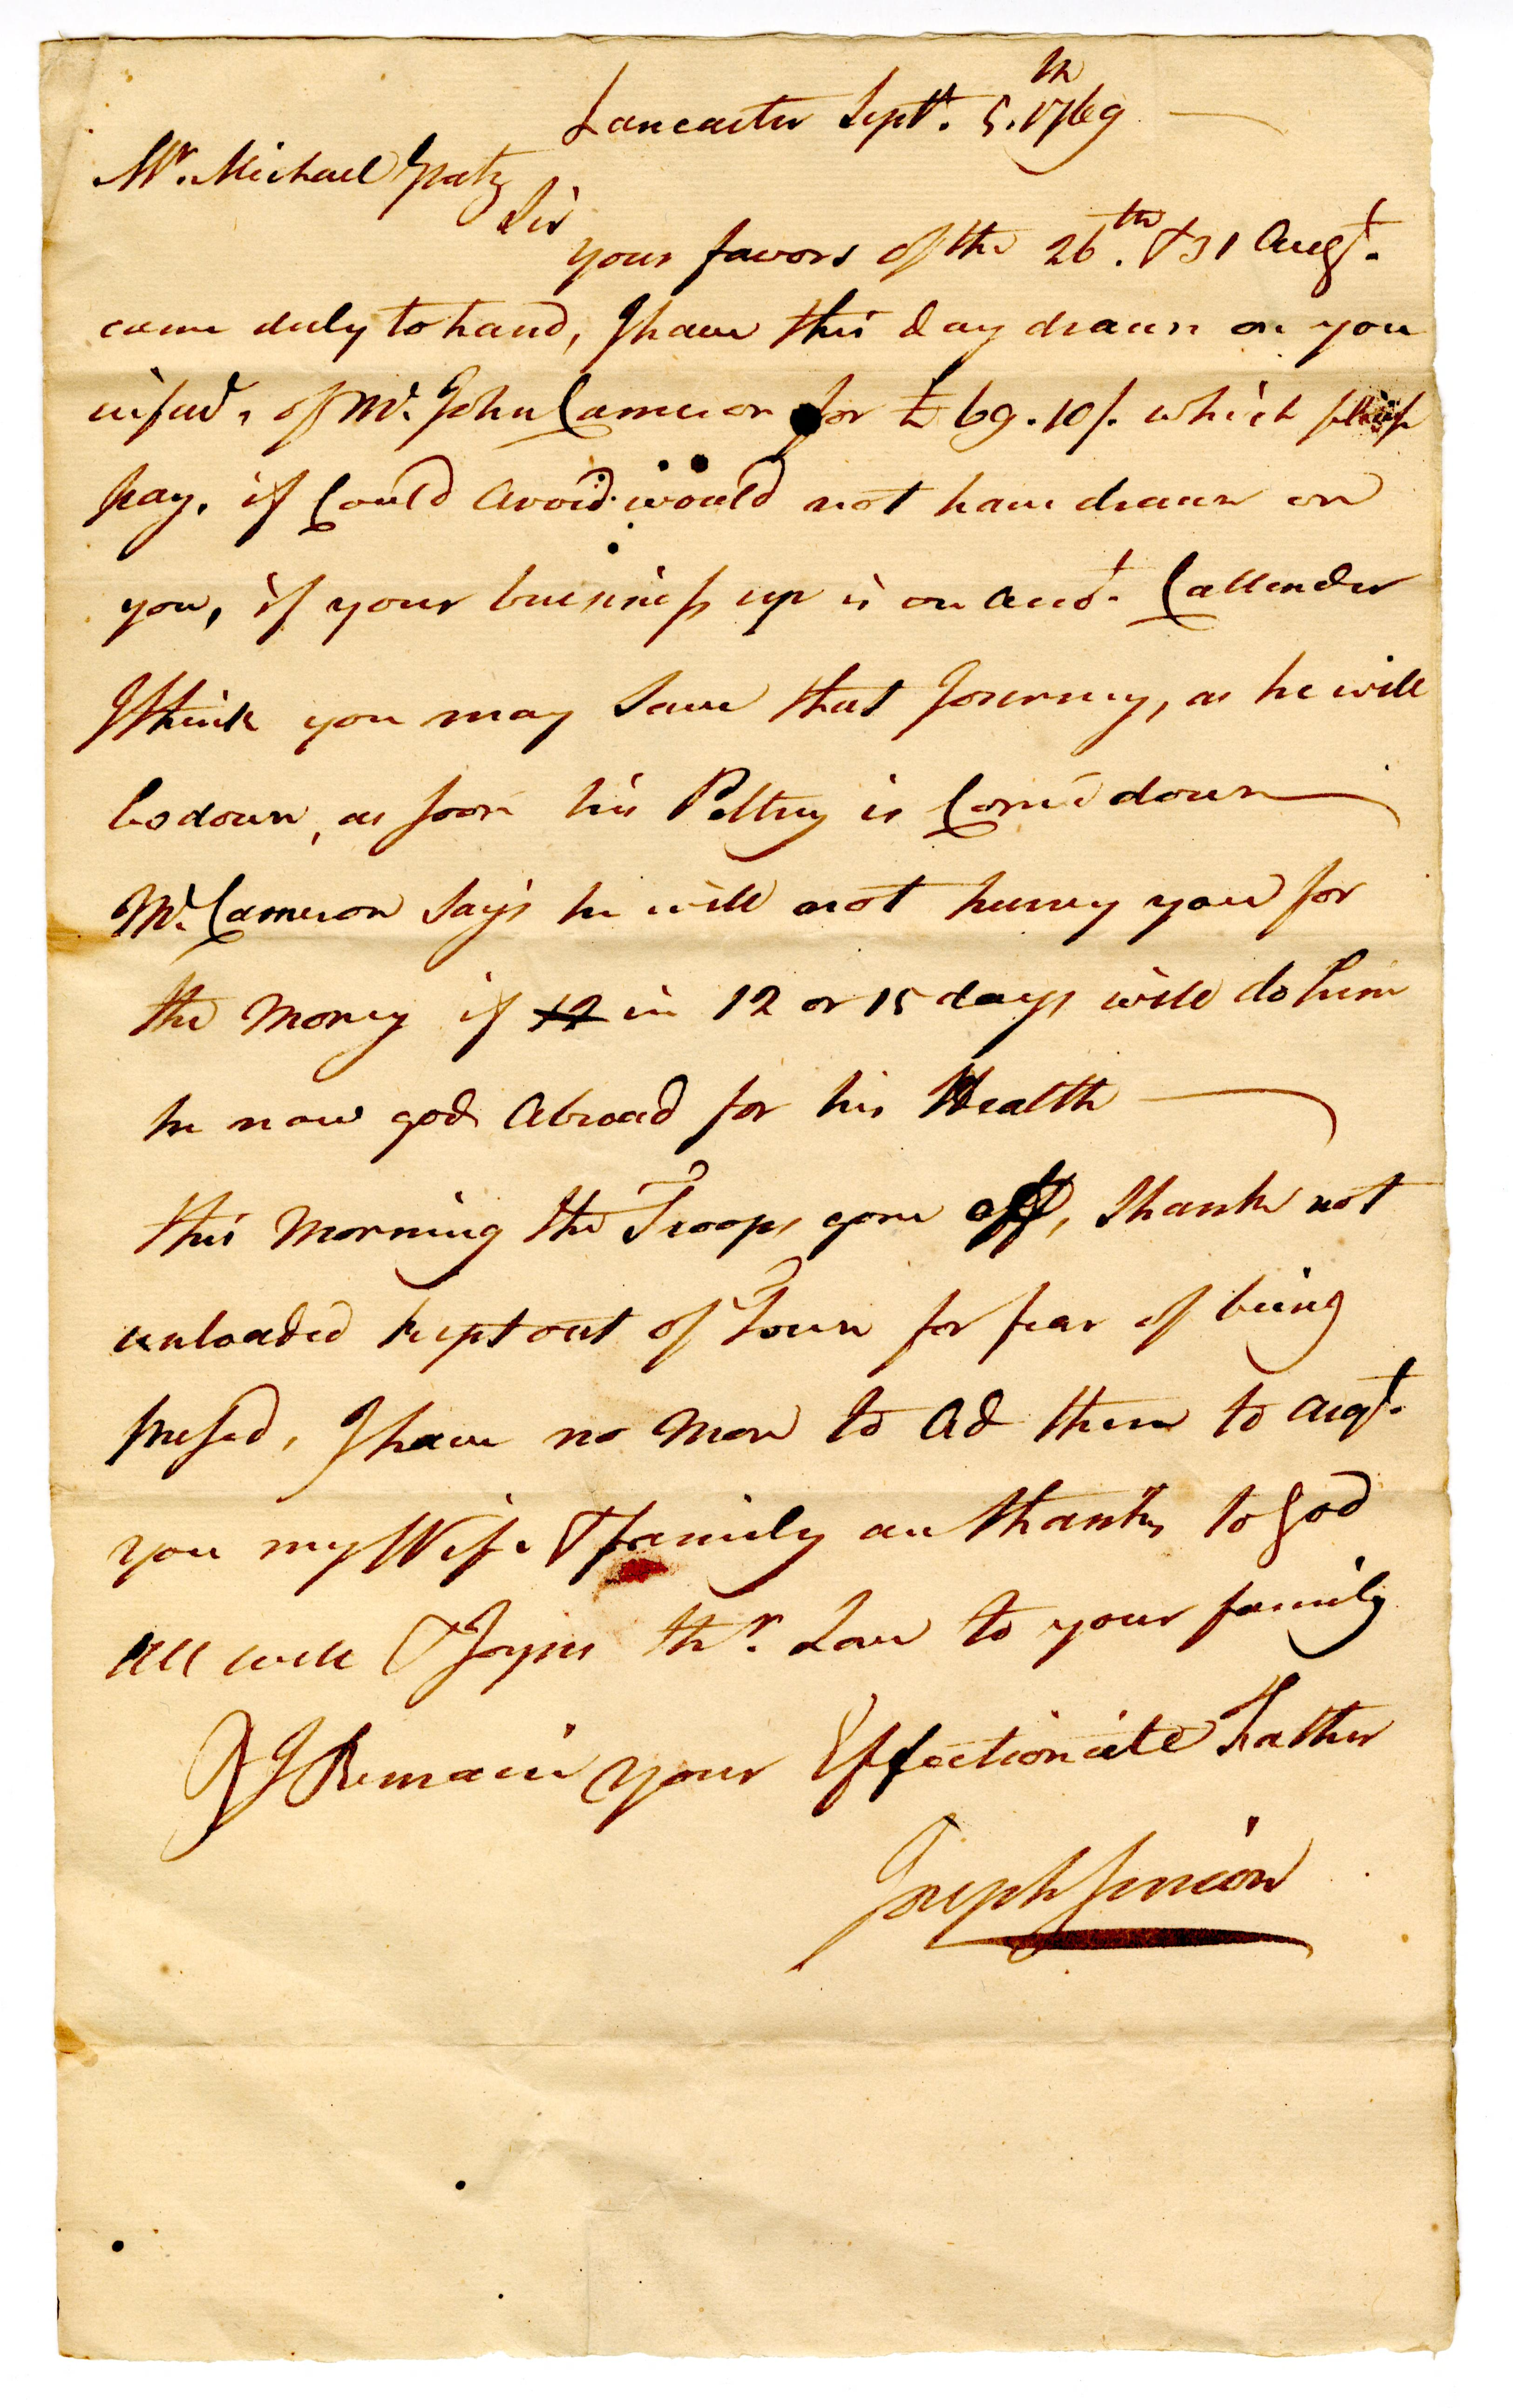Lancaster Sept^r 5^th 1769
M^r Michael Gratz
Sir
your favors of the 26^th. & 31 Aug^t.
came duly to hand, I have this day drawn on you
in fav^r. of M^r John Cameron for £69.10s. which please
pay, if Could avoid would not have drawn on
you, if your business is on acco^t. Callender
I think you may save that Journey, as he will
Go down, as soon his Peltry is Come down
M^r. Cameron Says he will not hurry your for
the money if [12] in 12 or 15 days will do him
he now goes Abroad for his Health
this morning the Troops, goe off, shank not
unloaded kept out of Town for fear of being
pressed, I have no now to ad them to acq^t.
you my Wife & family are thanks to God
all well & Joyns th^r. Love to your family
& I Remain your Effectionate Father
Joseph Simon